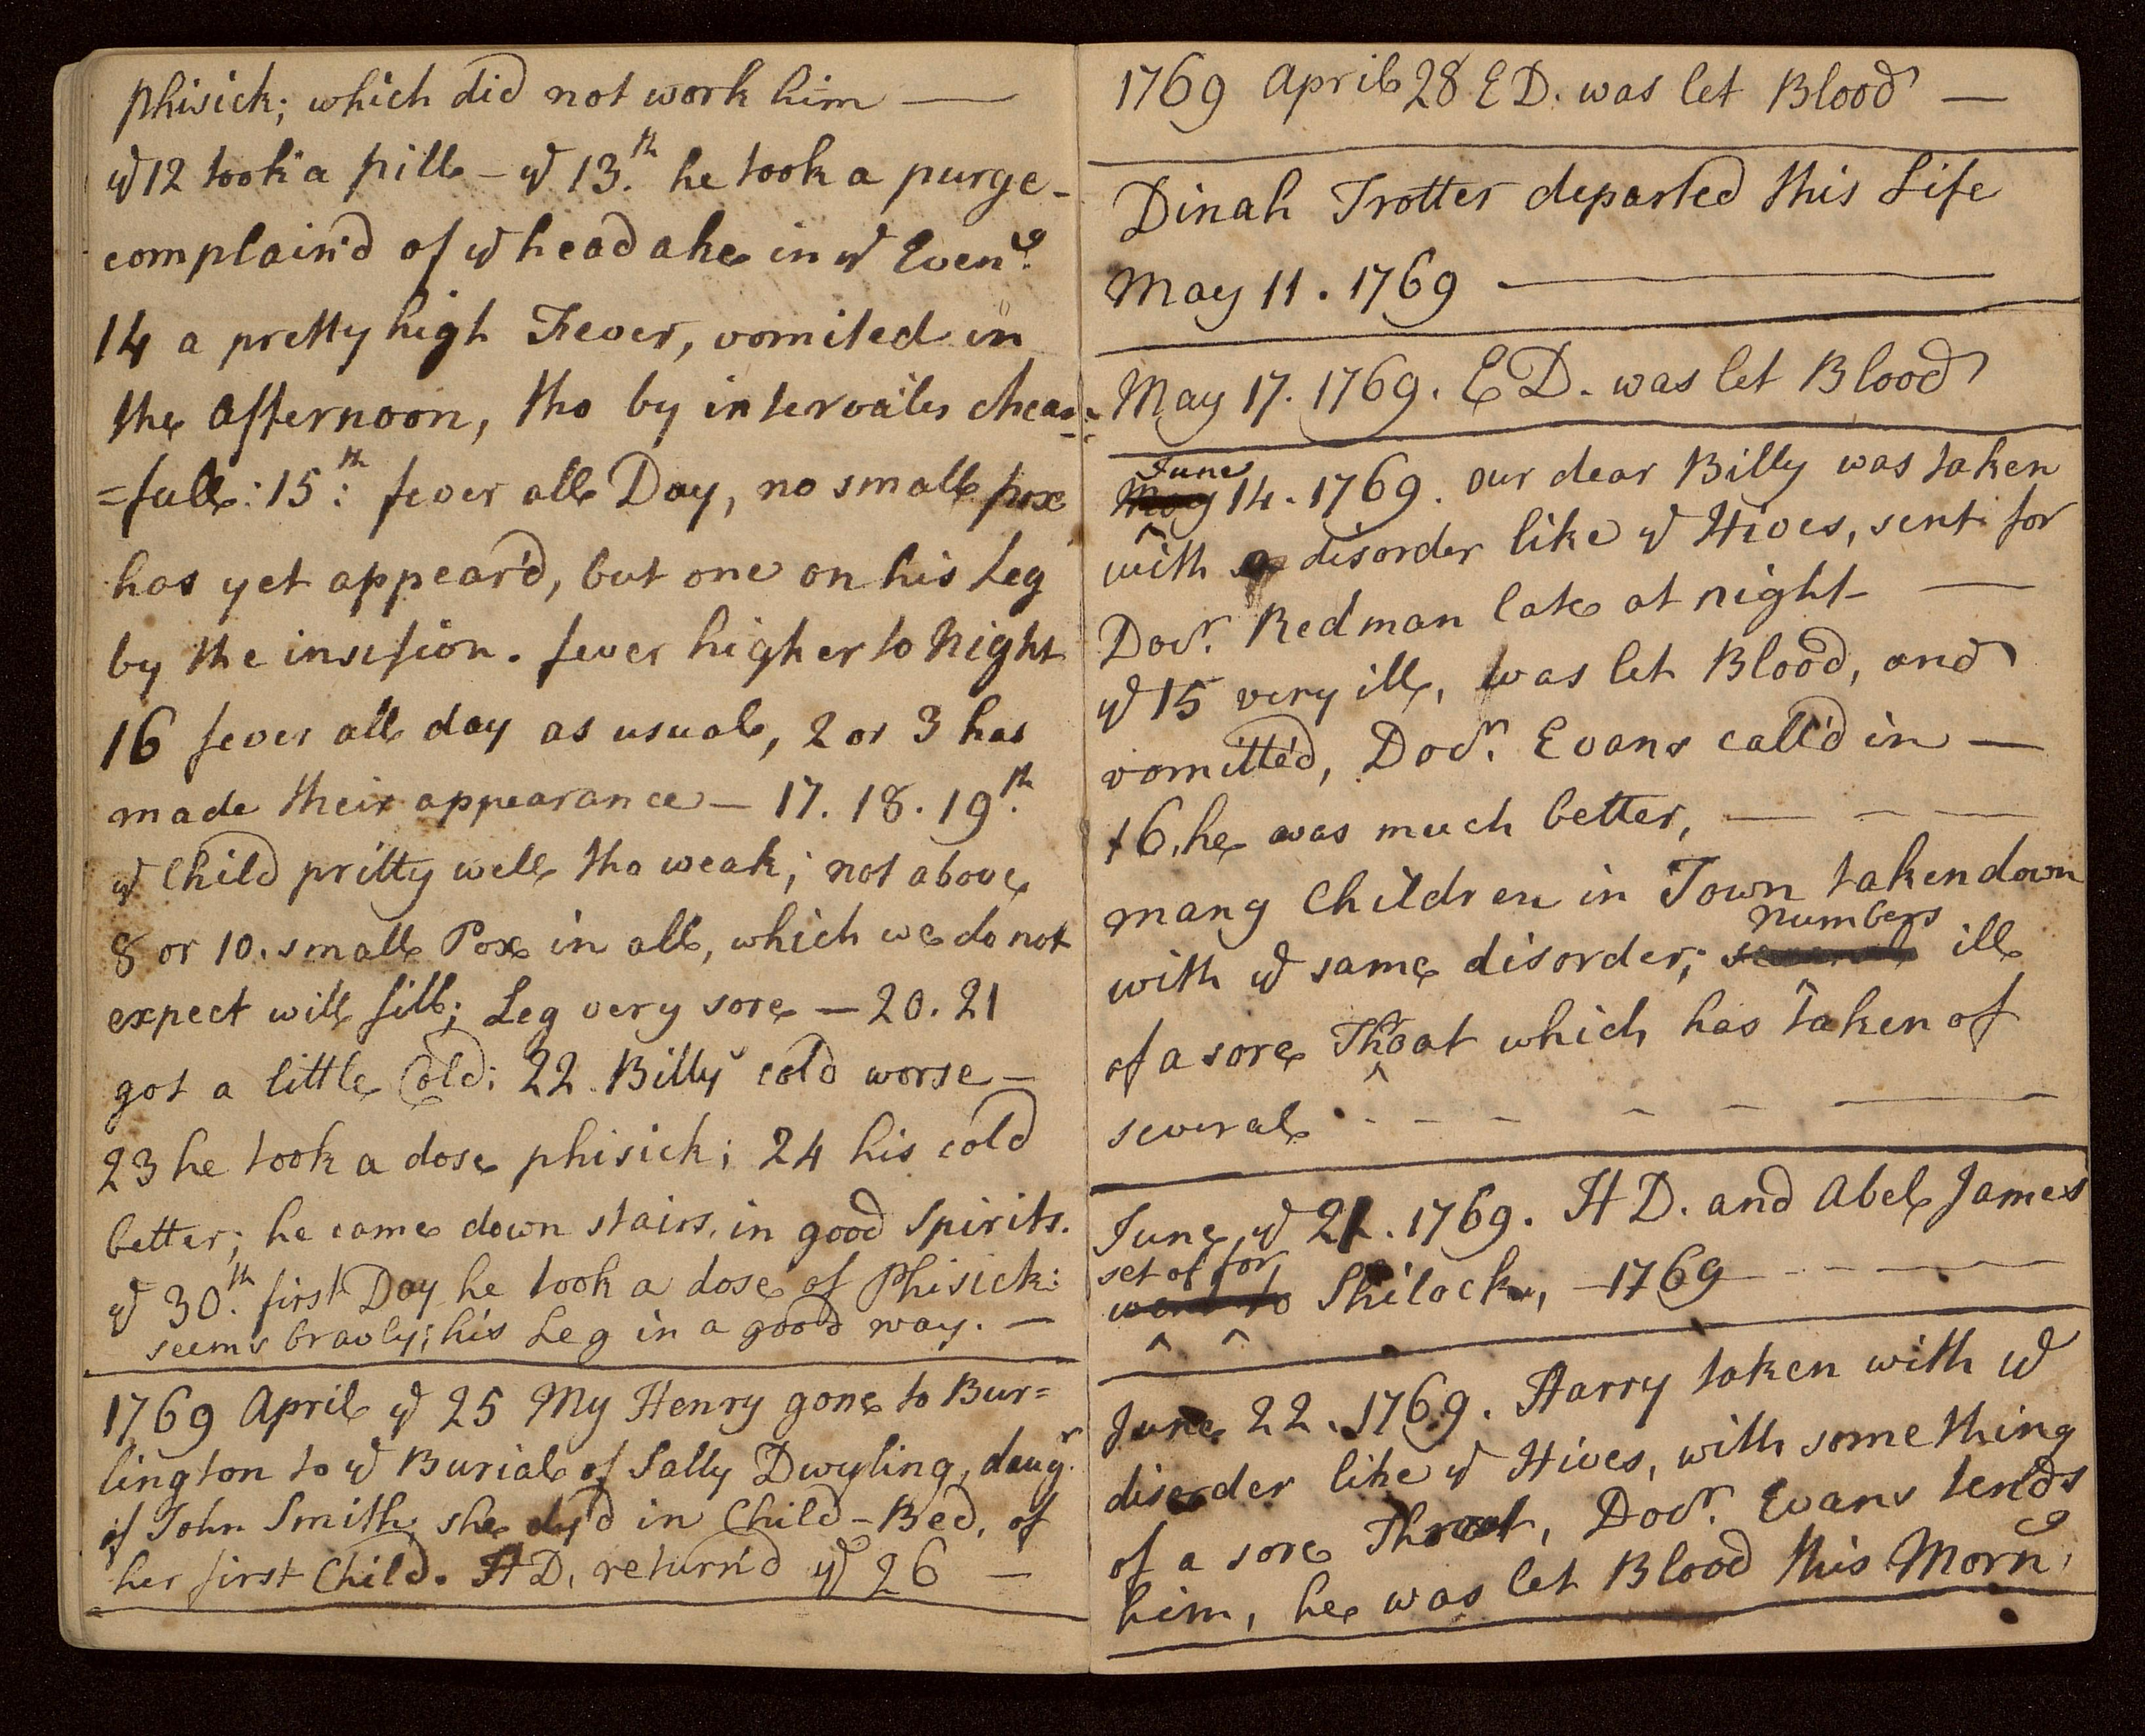Phisick; which did not work him-
y^e 12 took a pill- y^e 13^th he took a purge-
complain'd of y^e headake in y^e Even^g.
14 a pretty high Fever, vomited in
the afternoon, tho by intervales chear
-full: 15^th: fever all Day, no small pox
has yet appear'd, but one on his Leg
by the insision. fever higher to night
16 fever all day as usual, 2 or 3 has
made their appearance- 17. 18. 19^th.
y^e Child pritty well, tho weak; not above
8 or 10. small Pox in all, which we do not
expect will Sill; Leg very sore- 20. 21
got a little Cold: 22. Billy^s cold worse-
23 he took a dose phisick; 24 his cold
better; he came down stairs in good Spirits.
y^e 30^th. first Day he took a dose of Phisick:
seems bravly; his Leg in a good way.-
1769 April y^e 25 My Henry gone to Bur-
lington to y^e Burial of Sally Dwyling, daug^r
of John Smith, she Ly'd in Child- Bed, of
her first Child. H D, return'd y^e 26
1769 April 28 ED. was let Blood
Dinah Trotter departed this Life
May 11. 1769-
May 17. 1769. E D. was let Blood
June
[May] 14. 1769. our dear Billy was taken
with a disorder like y^e Hives, sent for
Doc^r. Redman late at night-
y^e 15 very ill, was let Blood, and
vomitte'd, Doc^r Evans call'd in-
16, he was much better,-
many Children in Town taken down
numbers
with y^e same disorder; ^ [several] ill
of a sore Th^roat which has taken of
several
June y^e 21. 1769. H D. and Abel James
set of for
[went to] Shilock, 1769
June 22. 1769. Harry taken with y^e
disorder like y^e Hives, with something
of a sore Throat, Doc^r. Evans tends
him, he was let Blood this Morn^g